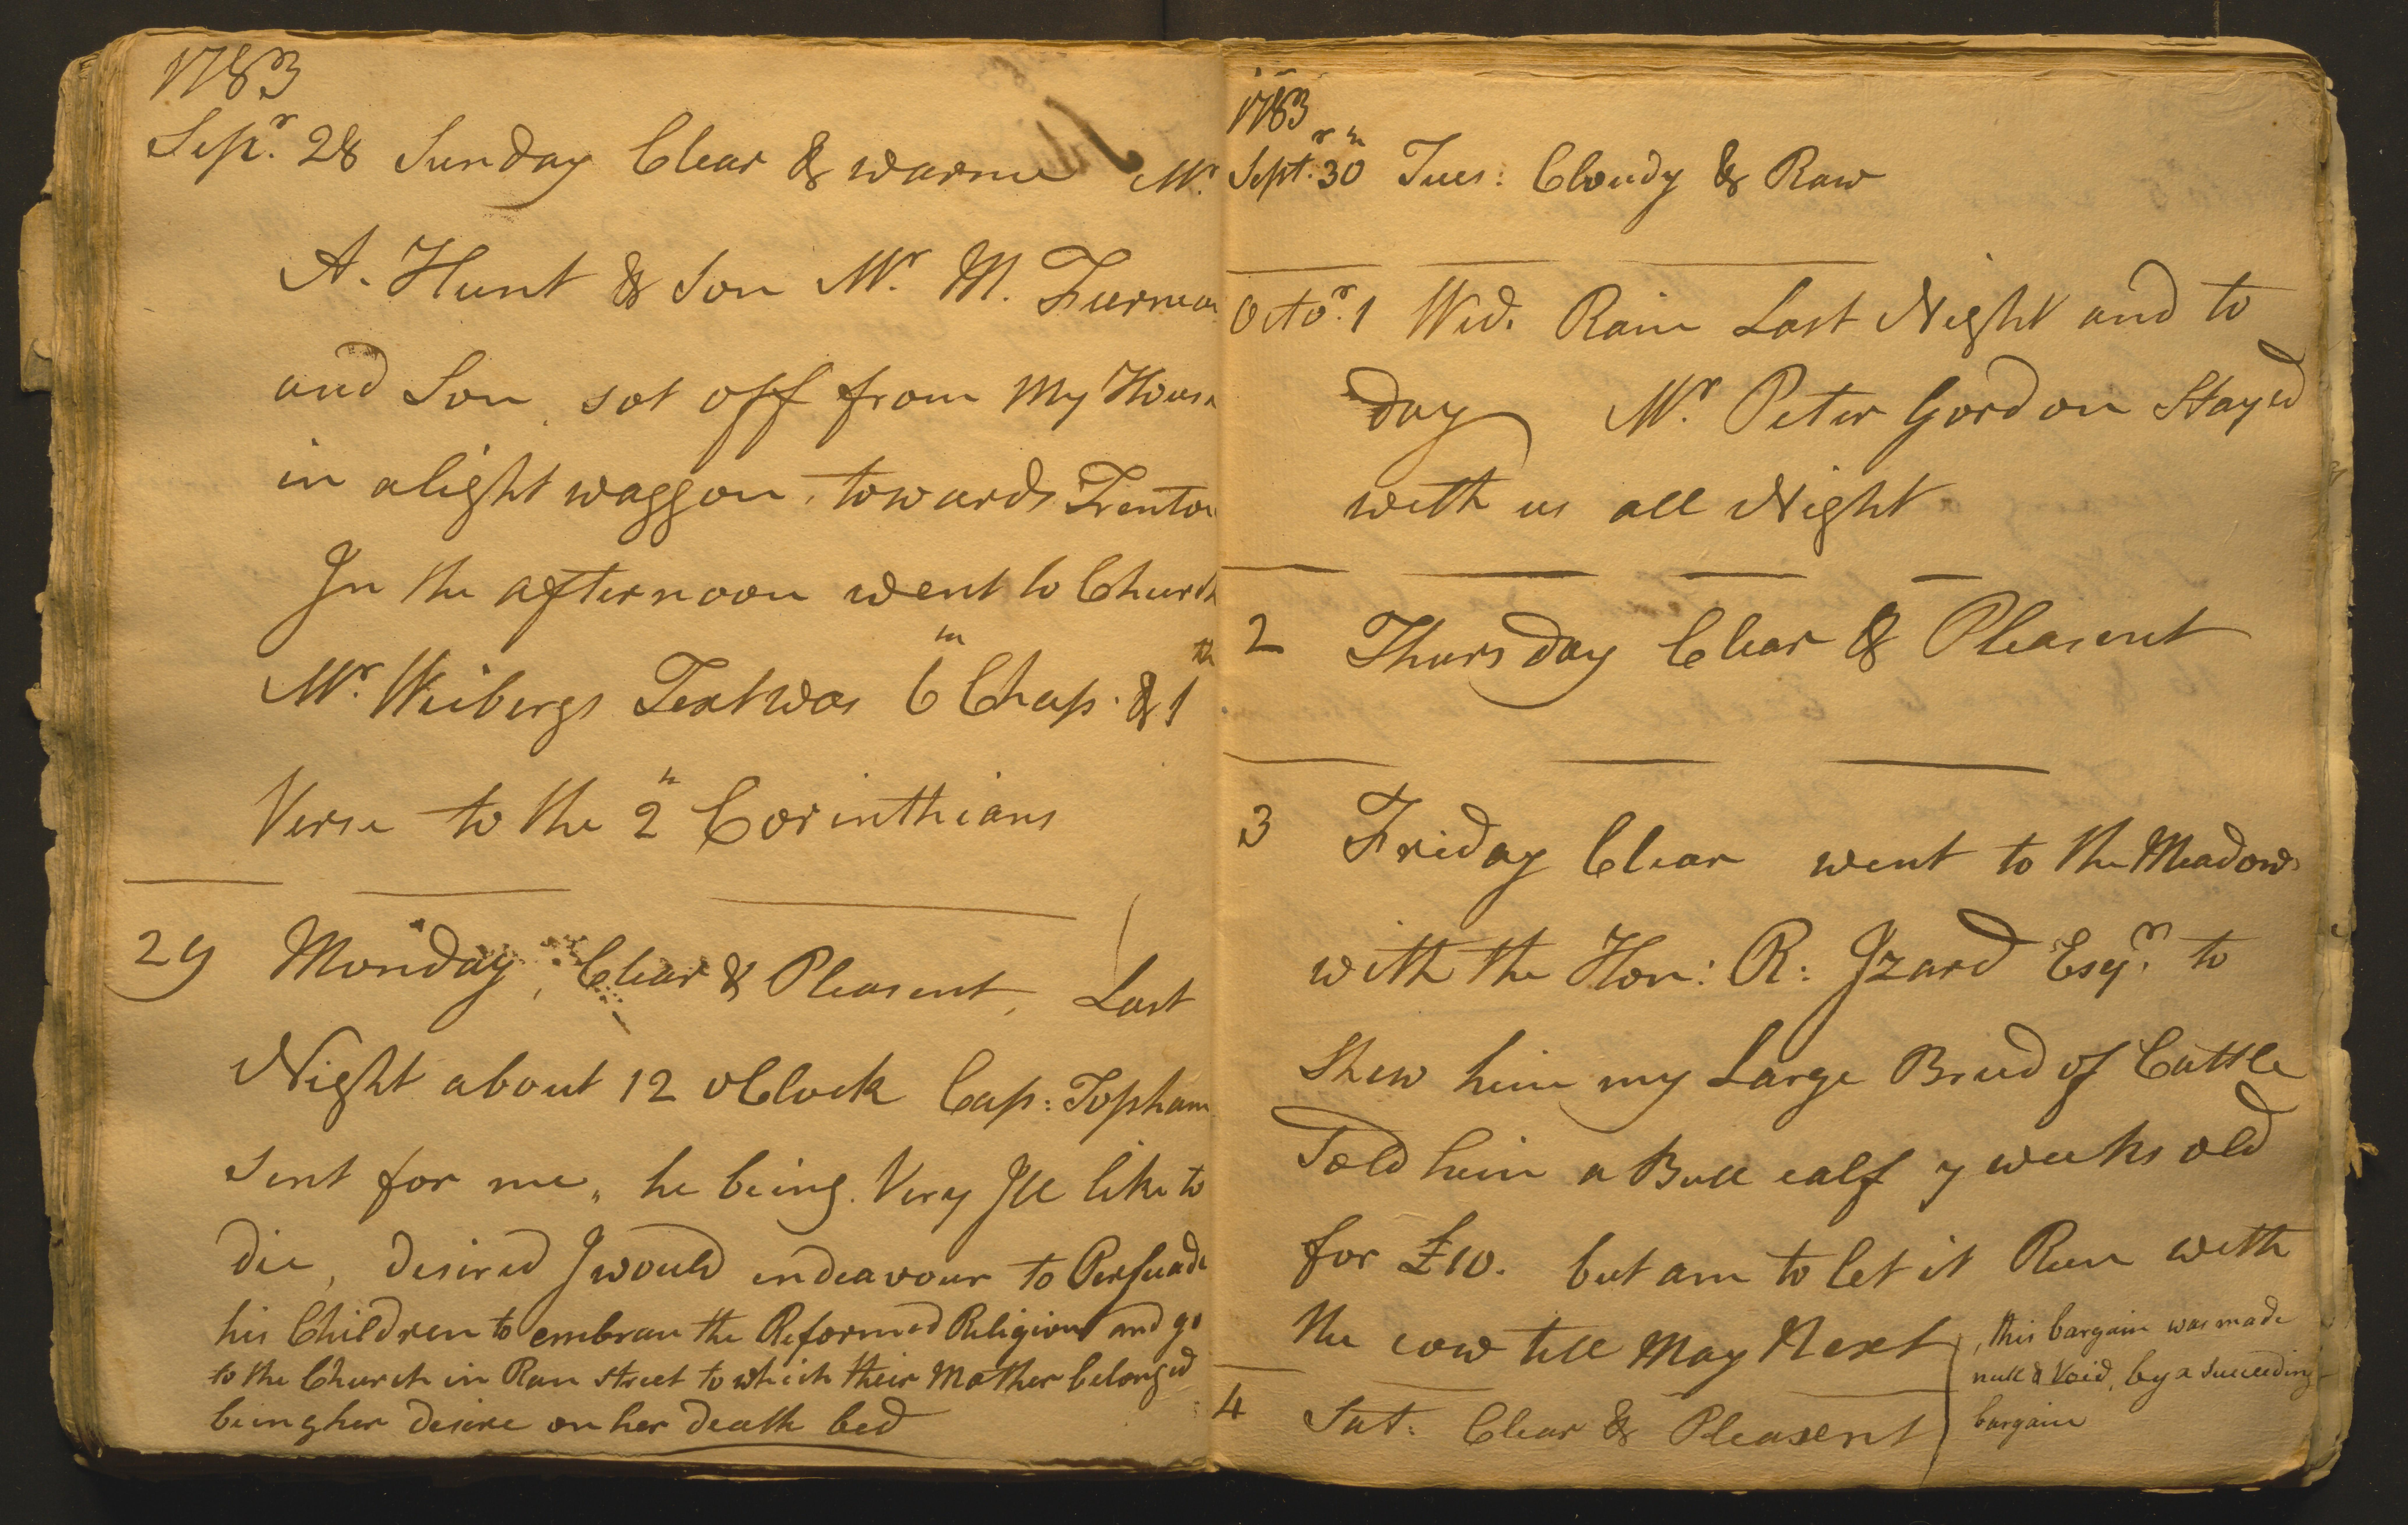1783
Sep^r. 28 Sunday Clear & warme M^r.
Sept^r. 30^th Tues: Cloudy & Raw
A. Hunt & son M^r. M. Furnea
and son set off from My House
in a light waggon, towards Trenton
In the afternoon went to Church
M^r Weibergs Text was 6^th Chap & 1^th
Verse to the 2^th Corinthians
29 Monday Clear & Pleasent Last
Night about 12 oClock Cap: Topham
sent for me, he being Very Ill like to
die. desired would endeavour to Persuade
his Children to embrace the Reformed Religion and go
to the Church in Race street to which their Mother belonged
being her desire on her death bed
1783
Octo^r. 1 Wed. Rain Last Night and to
day M^r. Peter Gordon Stayed
with us all Night
2 Thursday Clear & Pleasent
3 Friday Clear went to the Meadow
with the Hon: R: Izard Esq^r. to
Shew him my Large Breed of Cattle
Sold him a Bull calf 7 weeks old
for £10. but am to let it Run with
the cow till May Next
this bargain was made
null & Void by a succeeding
bargain
Sat. Clear & Pleasent